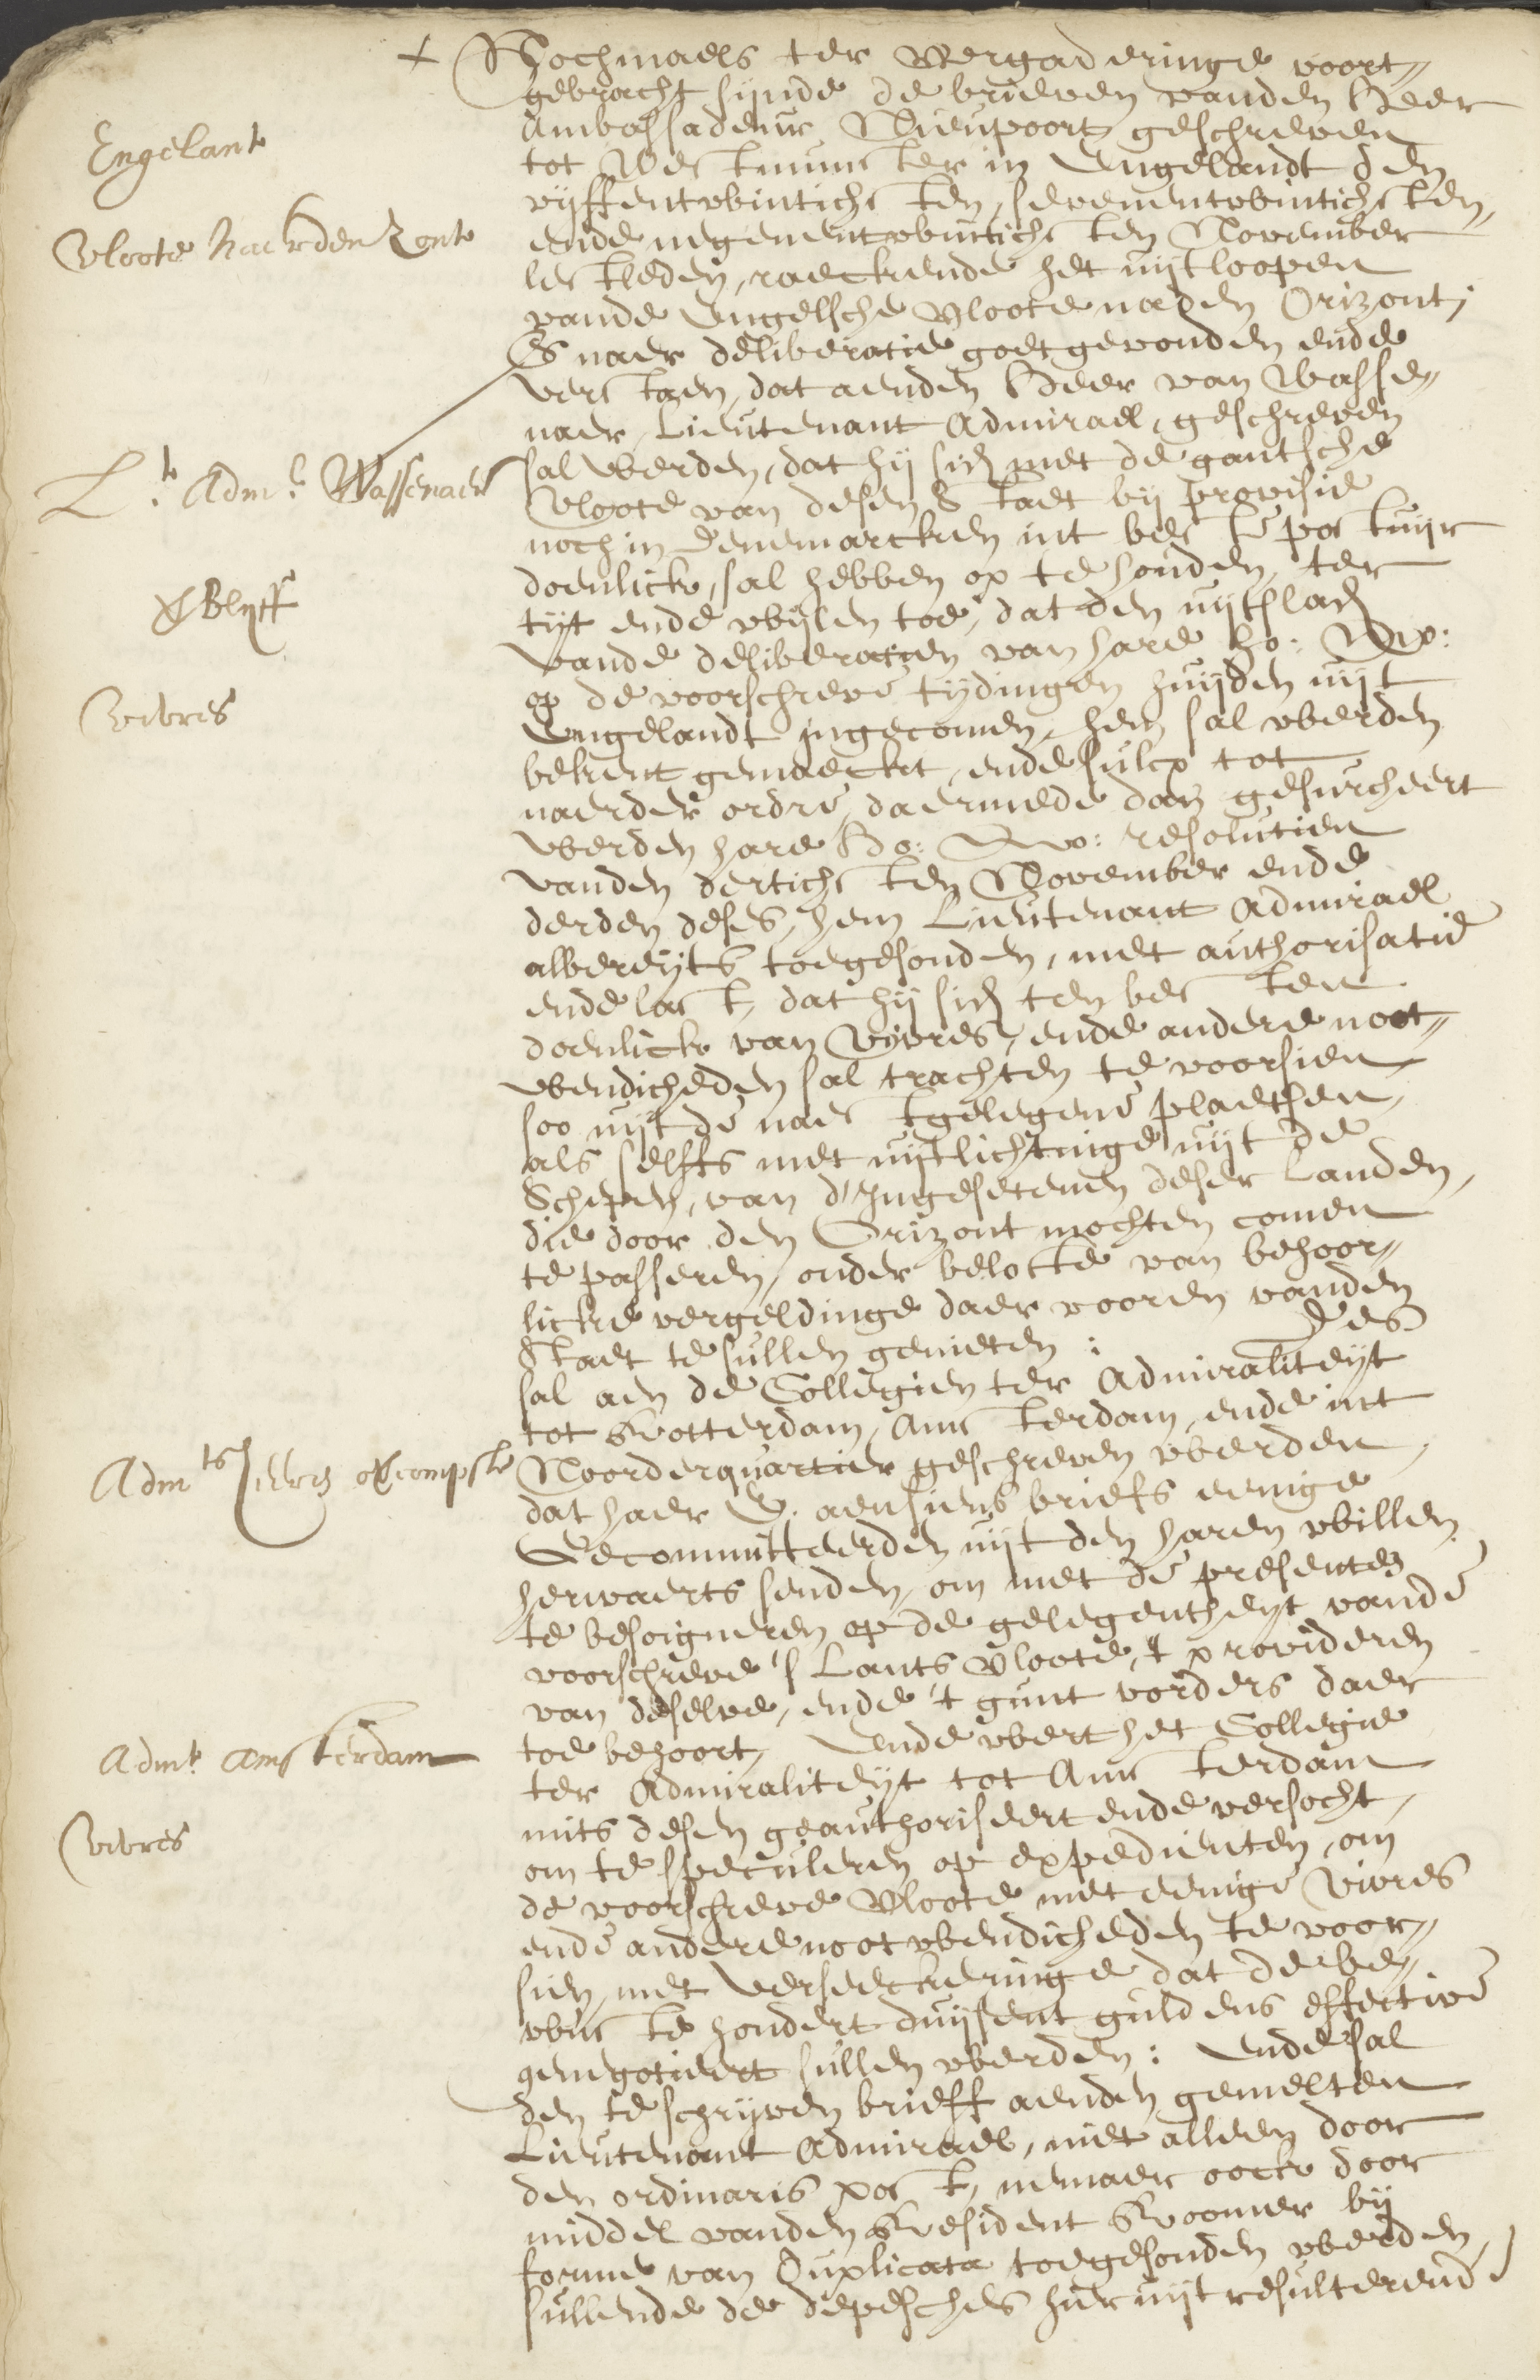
Engelant
Vloote naer den Zonte
Lt. Adml. Wassenaer
vblyff
Vivres
Admtsheeren ovcompste
Admt. Amsterdam
Vivres
Nochmaels ter Vergaderinge voort„
gebracht sijnde de brieven vanden Heer
Ambassadeur Nieupoort, geschreven
tot Westmunster in Engelandt den
vijffentwintichsten, sevenentwintichsten,
ende negenentwintichsten November
lestleden, raeckende het uijtloopen
vande Engelsche Vloote naden Orizont;
Is naer deliberatie goetgevonden ende
verstaen, dat aenden Heer van Wasse„
naer, Lieutenant Admirael, geschreven
sal werden, dat hij sich met de gantsche
Vloote van desen Staet bij provisie
noch in Denemarcken int beste postuijr
doenlick, sal hebben op te houden, ter
tijt ende wijlen toe, dat den uijtslach
vande deliberatien van hare Ho:Mo:
op de voorschreve tijdingen huijden uijt
Engelandt ingecomen, hem sal werden
bekent gemaeckt, ende sulcx tot
naerder ordre daermede dan gesurcheert
werden hare Ho:Mo: resolutien
vanden dertichsten November ende
derden deses, hem Lieutenant Admirael
albereijts toegesonden, met authorisatie
ende last, dat hij sich ten besten
doenlick van vivres, ende andere noot„
wendicheden sal trachten te voorsien,
soo uijt de naestgelegene plaetsen,
als selffs met uijtlichtinge uijt de
Schepen, van d‛Ingesetenen deser Landen,
die door den Orizont mochten comen
te passeren, onder belofte van behoor„
licke vergeldinge daer vooren vanden
Staet te sullen genieten: Des
sal aen de Collegien ter Admiraliteijt
tot Rotterdam, Amsterdam, ende int
Noorderquartier geschreven werden
dat haer E. aensiens briefs eenige
Gecommitteerden uijt den haren willen
herwaerts senden, om met de presenten
te besoigneren op de gelegentheyt vande
voorschreve ‛s Lants Vloote, ‛t provideren
van deselve, ende ‛t gunt vorders daer
toe behoort. Ende wert het Collegie
ter Admiraliteijt tot Amsterdam
mits desen geauthoriseert ende versocht,
om te speculeren op expedienten, om
de voorschreve Vloote met eenige vivres
ende andere nootwendicheden te voor„
sien, met verseeckeringe dat de be„
wuste hondert duijsent guldens effective
genegotieert sullen werden: Ende sal
den te schrijven brieff aenden gemelten
Lieutenant Admirael, niet alleen door
den ordinaris post, nemaer oock door
middel vanden Resident Roomer bij
forme van duplicata toegesonden werden,
sullende de depesches hier uijt resulterende
